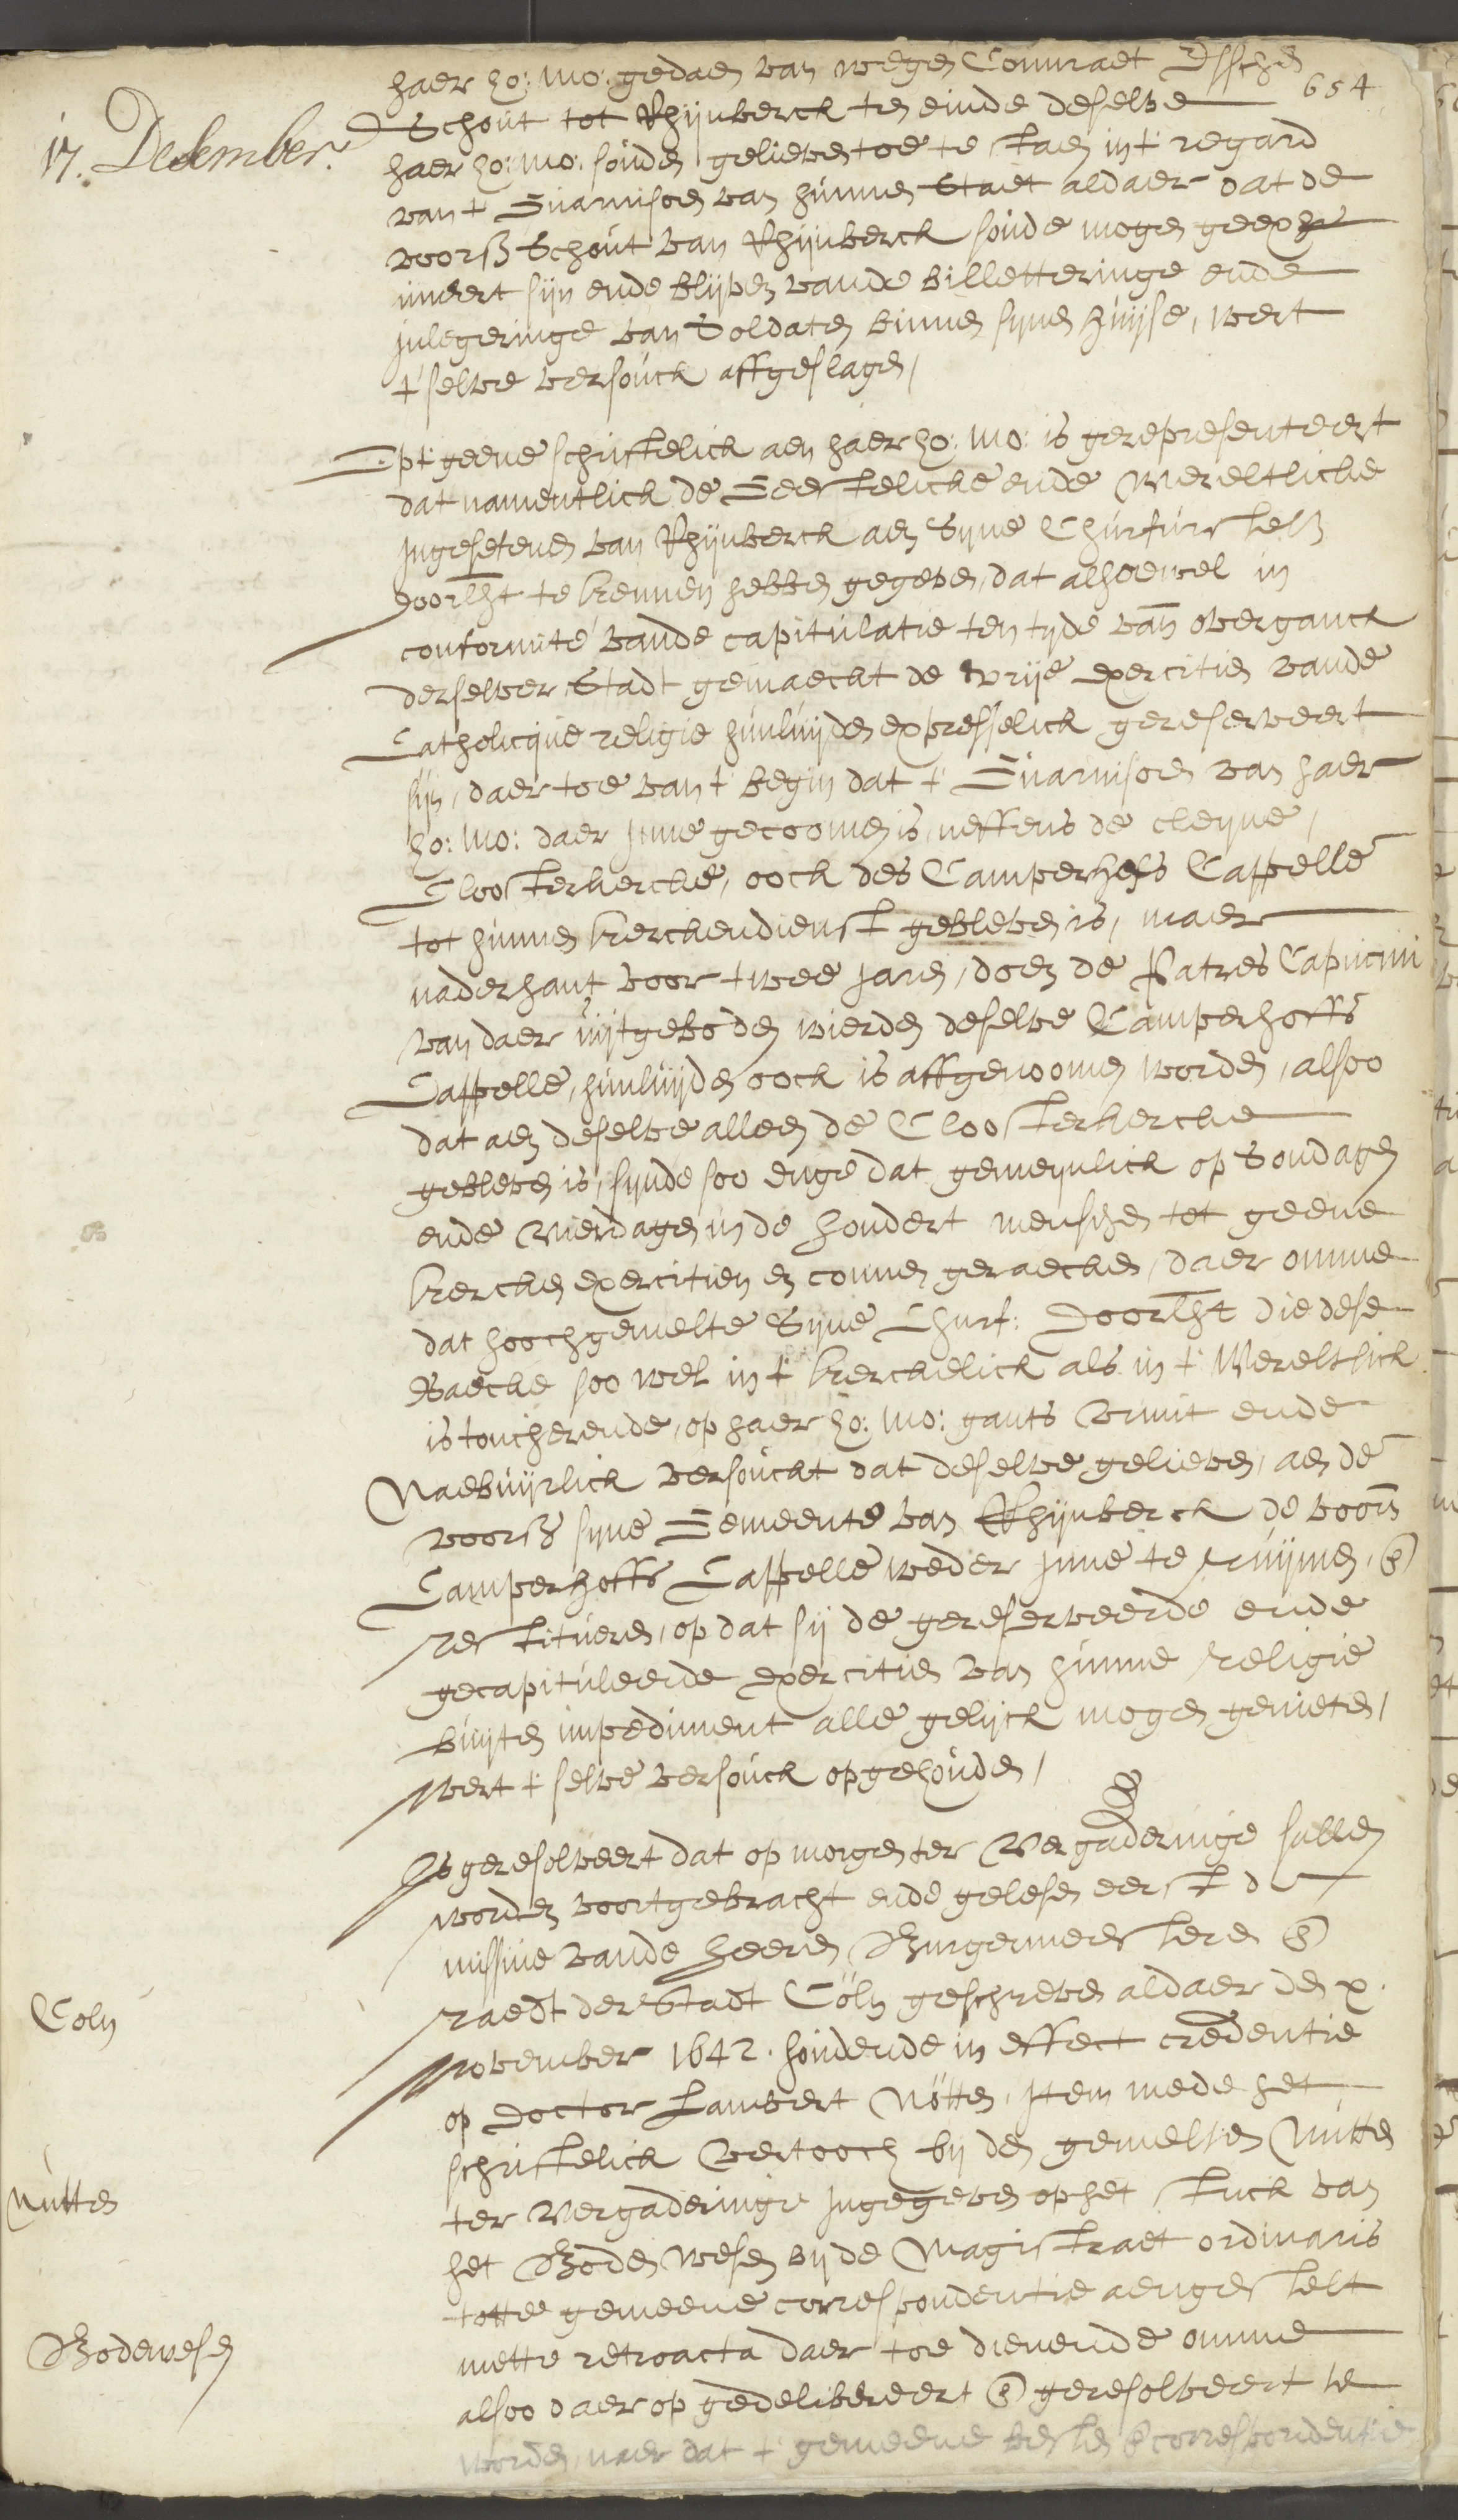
654
17. Desember.
haer ho:mo: gedaen van wegen Connraet Esschen
Schout tot Rhijnberck ten einde deselve
haer ho:mo: souden gelieven toe te staen int' regard
van t‛ Guarnisoen van hunnen Staet aldaer dat de
voorsz Schout van Rhijnberck soude mogen geexha
imeert sijn ende blijven vande billetteringe ende
Inlegeringe van Soldaten binnen sijnen huijse, wert
t'selve versouck affgeslagen.
Opt' geene schriftelick aen haer ho:mo: is gerepresenteert
dat namentlick de Geestelicke ende wereltlicke
Ingesetenen van Rhijnberck aen Syne Churfursteln
Doorlht te kennen hebben gegeven, dat alhoewel in
conformité vande capitulatie ten tijde van overganck
derselver Stadt gemaeckt de vrije exercitien vande
Catholicque religie hunluijden expresselick gereserveert
sijn, daertoe vant' begin dat t' Guarnisoen van haer
ho:mo: daer Inne gecoomen is, neffens de cleyne
Cloosterkercke, oock des Camperhofs Capelle
tot hunnen kerckendienst gebleven is, maer
naderhant voor twee jaren, doen de Patres Capucini
van daer uijtgeboden wierden deselve Camperhoffs
Capelle, hunluijden oock is affgenoomen worden, alsoo
dat aen deselve alleen de Cloosterkercke
gebleven is, synde soo enge dat gemeynlick op Sondagen
ende vierdagen in de hondert menschen tot geene
kercken exercitien en connen geraecken, daer omme
dat hoochgemelte Sijne Churf: Doorlht die dese
Saecke soo wel in t' kerckelick als in t' Wereltlick
is toucherende, op haer ho:mo: gants vrunt ende
Naebuijrlick versouckt dat deselve gelieven, aen de
voorsz syne Gemeente van Rhijnberck de voorn
Camperhoffs Capelle weder Inne de ruijmen, &
restitueren, op dat sij de gereserveerde ende
gecapituleerde exercitien van hunne religie
buijten impediment alle gelijck mogen genieten,
wert t' selve versouck opgehouden.
Coln
nutten
Bodewesen
Is geresolveert dat op morgen ter Vergaderinge sullen
worden voortgebracht ende gelesen eerst de
missive vande heeren Burgermeesteren &
raedt der stadt Cöln geschreven aldaer den x.
November 1642, houdende in effect credentie
op Doctor Lambert nötten, Item mede het
schriftelick vertooch bij den gemelten nutten
ter vergaderinge Ingegeven op het stuck van
het Bodenwesen bij de magistraet ordinaris
totte gemeene correspondentie aengestelt
mette retroacta daer toe dienende omme
alsoo daer op gedelibereert & geresolveert te
worden, naer dat t'gemeene besten & correspondentie
